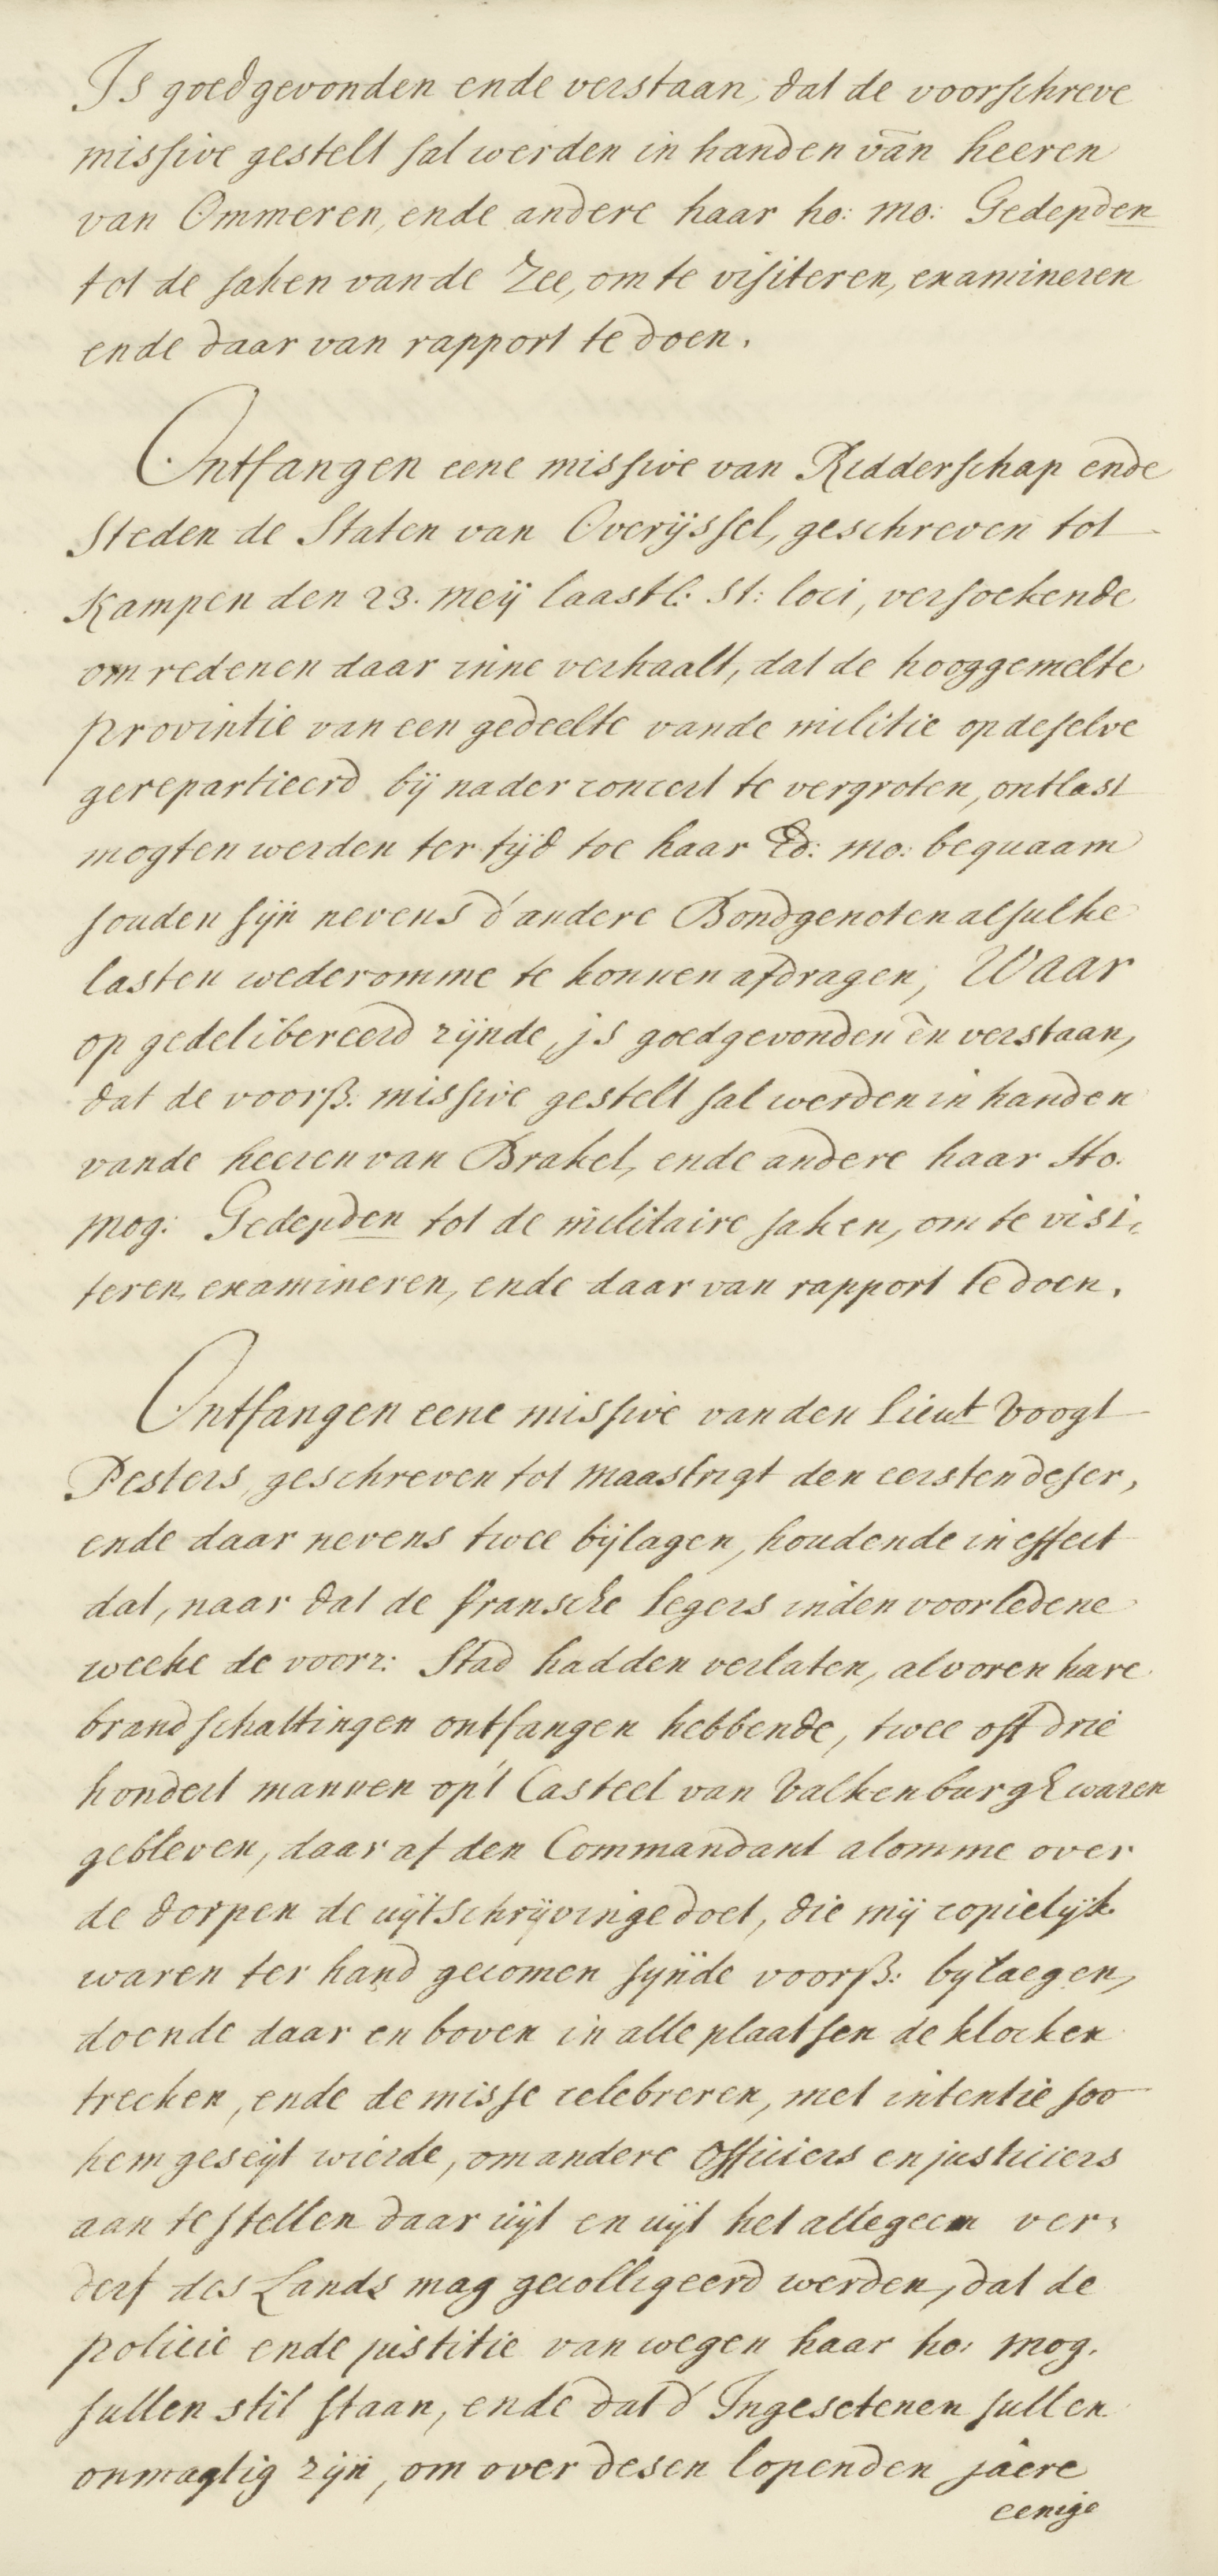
Is goedgevonden ende verstaan, dat de voorschreve
missive gestelt sal werden in handen van heeren
van Ommeren, ende andere haar ho:mo: Gedepden
tot de saken van de Zee, om te visiteren, examineren
ende daar van rapport te doen.
Ontfangen eene missive van Ridderschap ende
Steden de Staten van Overijssel, geschreven tot
Kampen den 23. meij laastl: st: loci, versoekende
om redenen daar inne verhaalt, dat de hooggemelte
provintie van een gedeelte vande militie op deselve
gerepartieerd bij nader concert te vergroten, ontlast
mogten werden ter tijd toe haar Ed:mo: bequaam
souden sijn nevens d’ andere Bondgenoten alsulke
lasten wederomme te konnen afdragen; Waar
op gedelibereerd zijnde, is goedgevonden en verstaan,
dat de voors: missive gestelt sal werden in handen
vande heeren van Brakel, ende andere haar Ho.
mog: Gedepden tot de militaire saken, om te visi„
teren, examineren, ende daar van rapport te doen.
Ontfangen eene missive van den lieut voogt
Pesters, geschreven tot maastrigt den eersten deser,
ende daar nevens twee bijlagen, houdende in effect
dat, naar dat de fransche legers inden voorledene
weeke de voorz: Stad hadden verlaten, alvoren hare
brand schattingen ontfangen hebbende, twee off drie
hondert mannen op ’t Casteel van valkenburgh waren
gebleven, daar af den Commandant alomme over
de dorpen de uijtschrijvinge doet, die mij copielijk
waren ter hand gecomen sijnde voors: bylaegen,
doende daar en boven in alle plaatsen de klocken
trecken, ende de misse celebreren, met intentie soo
hem geseijt wierde, om andere officiers en justiciers
aan te stellen daar uijt en uijt het allegeen ver„
derf des Lands mag gecolligeerd werden, dat de
policie ende justitie van wegen haar ho:mog.
sullen stil staan, ende dat d’ Ingesetenen sullen
onmagtig zijn, om over desen lopenden jaere
eenige
